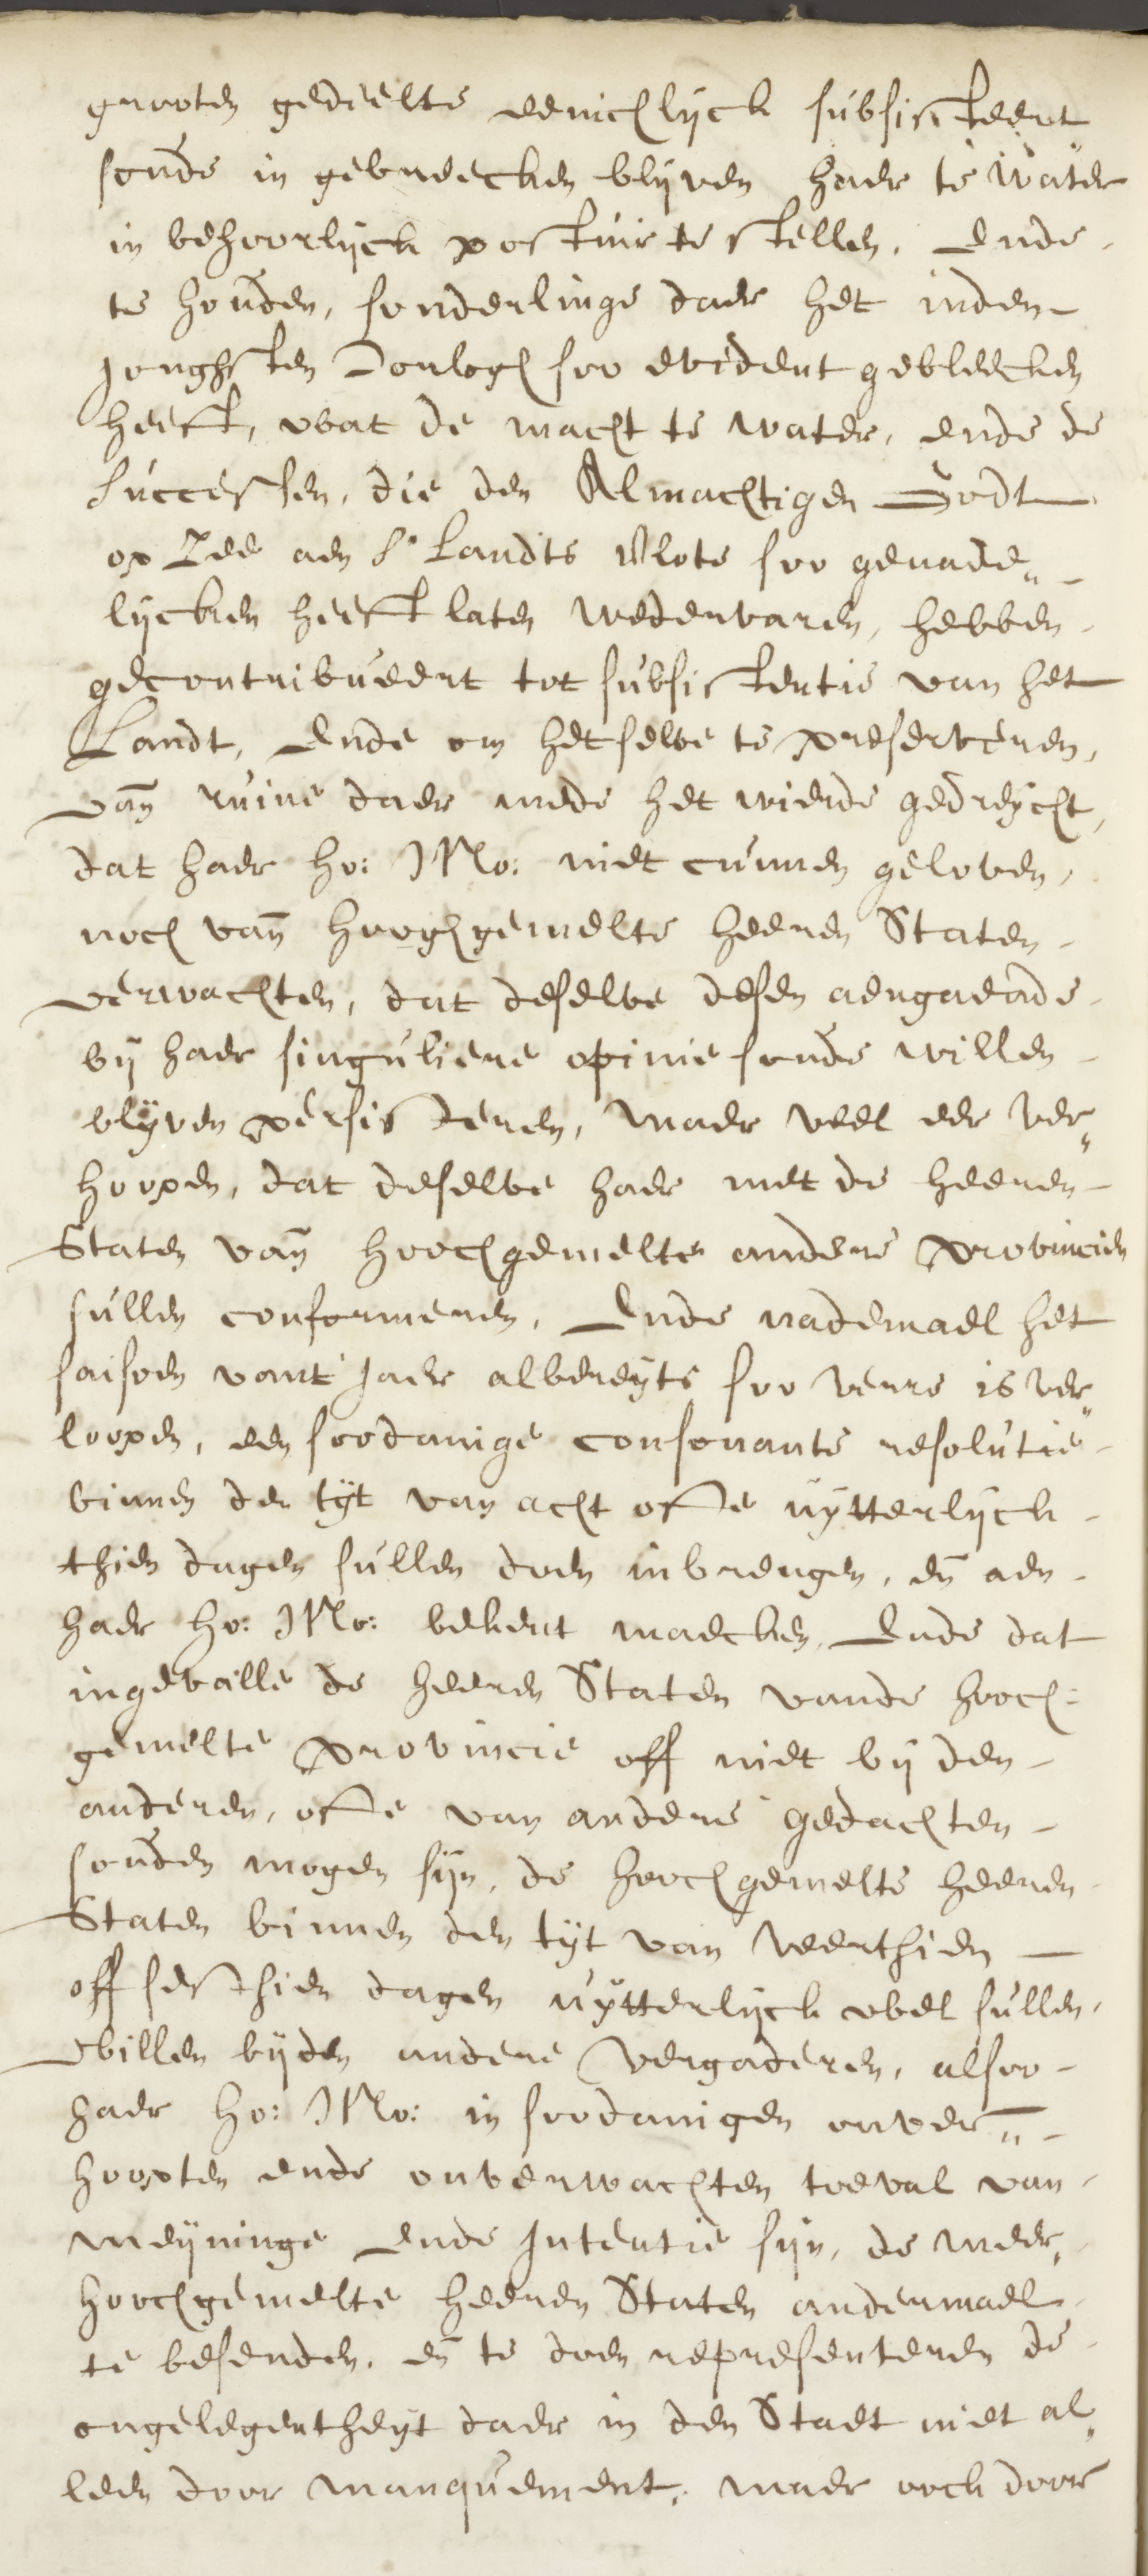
grooten gedeelte eenichlijck subsisteert
soude in gebreecken blijven haer te water
in behoorlijck postuur te stellen, ende
te houden, sonderlinge daer het inden -
jonghsten Oorlogh soo evident gebleecken
heeft, wat de macht te water, ende de
successen, die den Almachtigen Godt
op Zee aen s'Landts Vlote soo genade„
lijcken heeft laten wedervaren, hebben
gecontribueert tot subsistentie van het
Landt, ende om het selve te preserveren,
van ruine daer mede het wierde gedreijcht,
dat haer ho:Mo: niet cunnen geloven,
noch van hooghgemelte heeren Staten
verwachten, dat deselve desen aengaende
bij haer singuliere opinie soude willen
blijven persisteren, maer veel eer ver„
hoopen, dat deselve haer met de heeren
Staten van hoochgemelte andere provincien
sullen conformeren. Ende nademael het
saisoen vant‛ jaer albereijts soo verre is ver„
loopen, een soodanige consonante resolutie
binnen den tijt van acht ofte uijtterlijck
thien dagen sullen doen inbrengen, en aen
haer ho:Mo: bekent maecken, ende dat
ingevalle de heeren Staten vande hooch„
gemelte provincie off niet bij den
anderen, ofte van andere gedachten
souden mogen sijn, de hoochgemelte heeren
Staten binnen den tijt van veerthien
off sesthien dagen uijtterlijck wel sullen
willen bijden andere vergaderen, alsoo
haer ho:Mo: in soodanigen onver„
hoopten ende onverwachten toeval van
meijninge ende intentie sijn, de meer„
hoochgemelte heeren Staten andermael
te besenden, en te doen representeren de
ongelegentheijt daer in den Staet niet al„
leen door manquement, maer oock door
